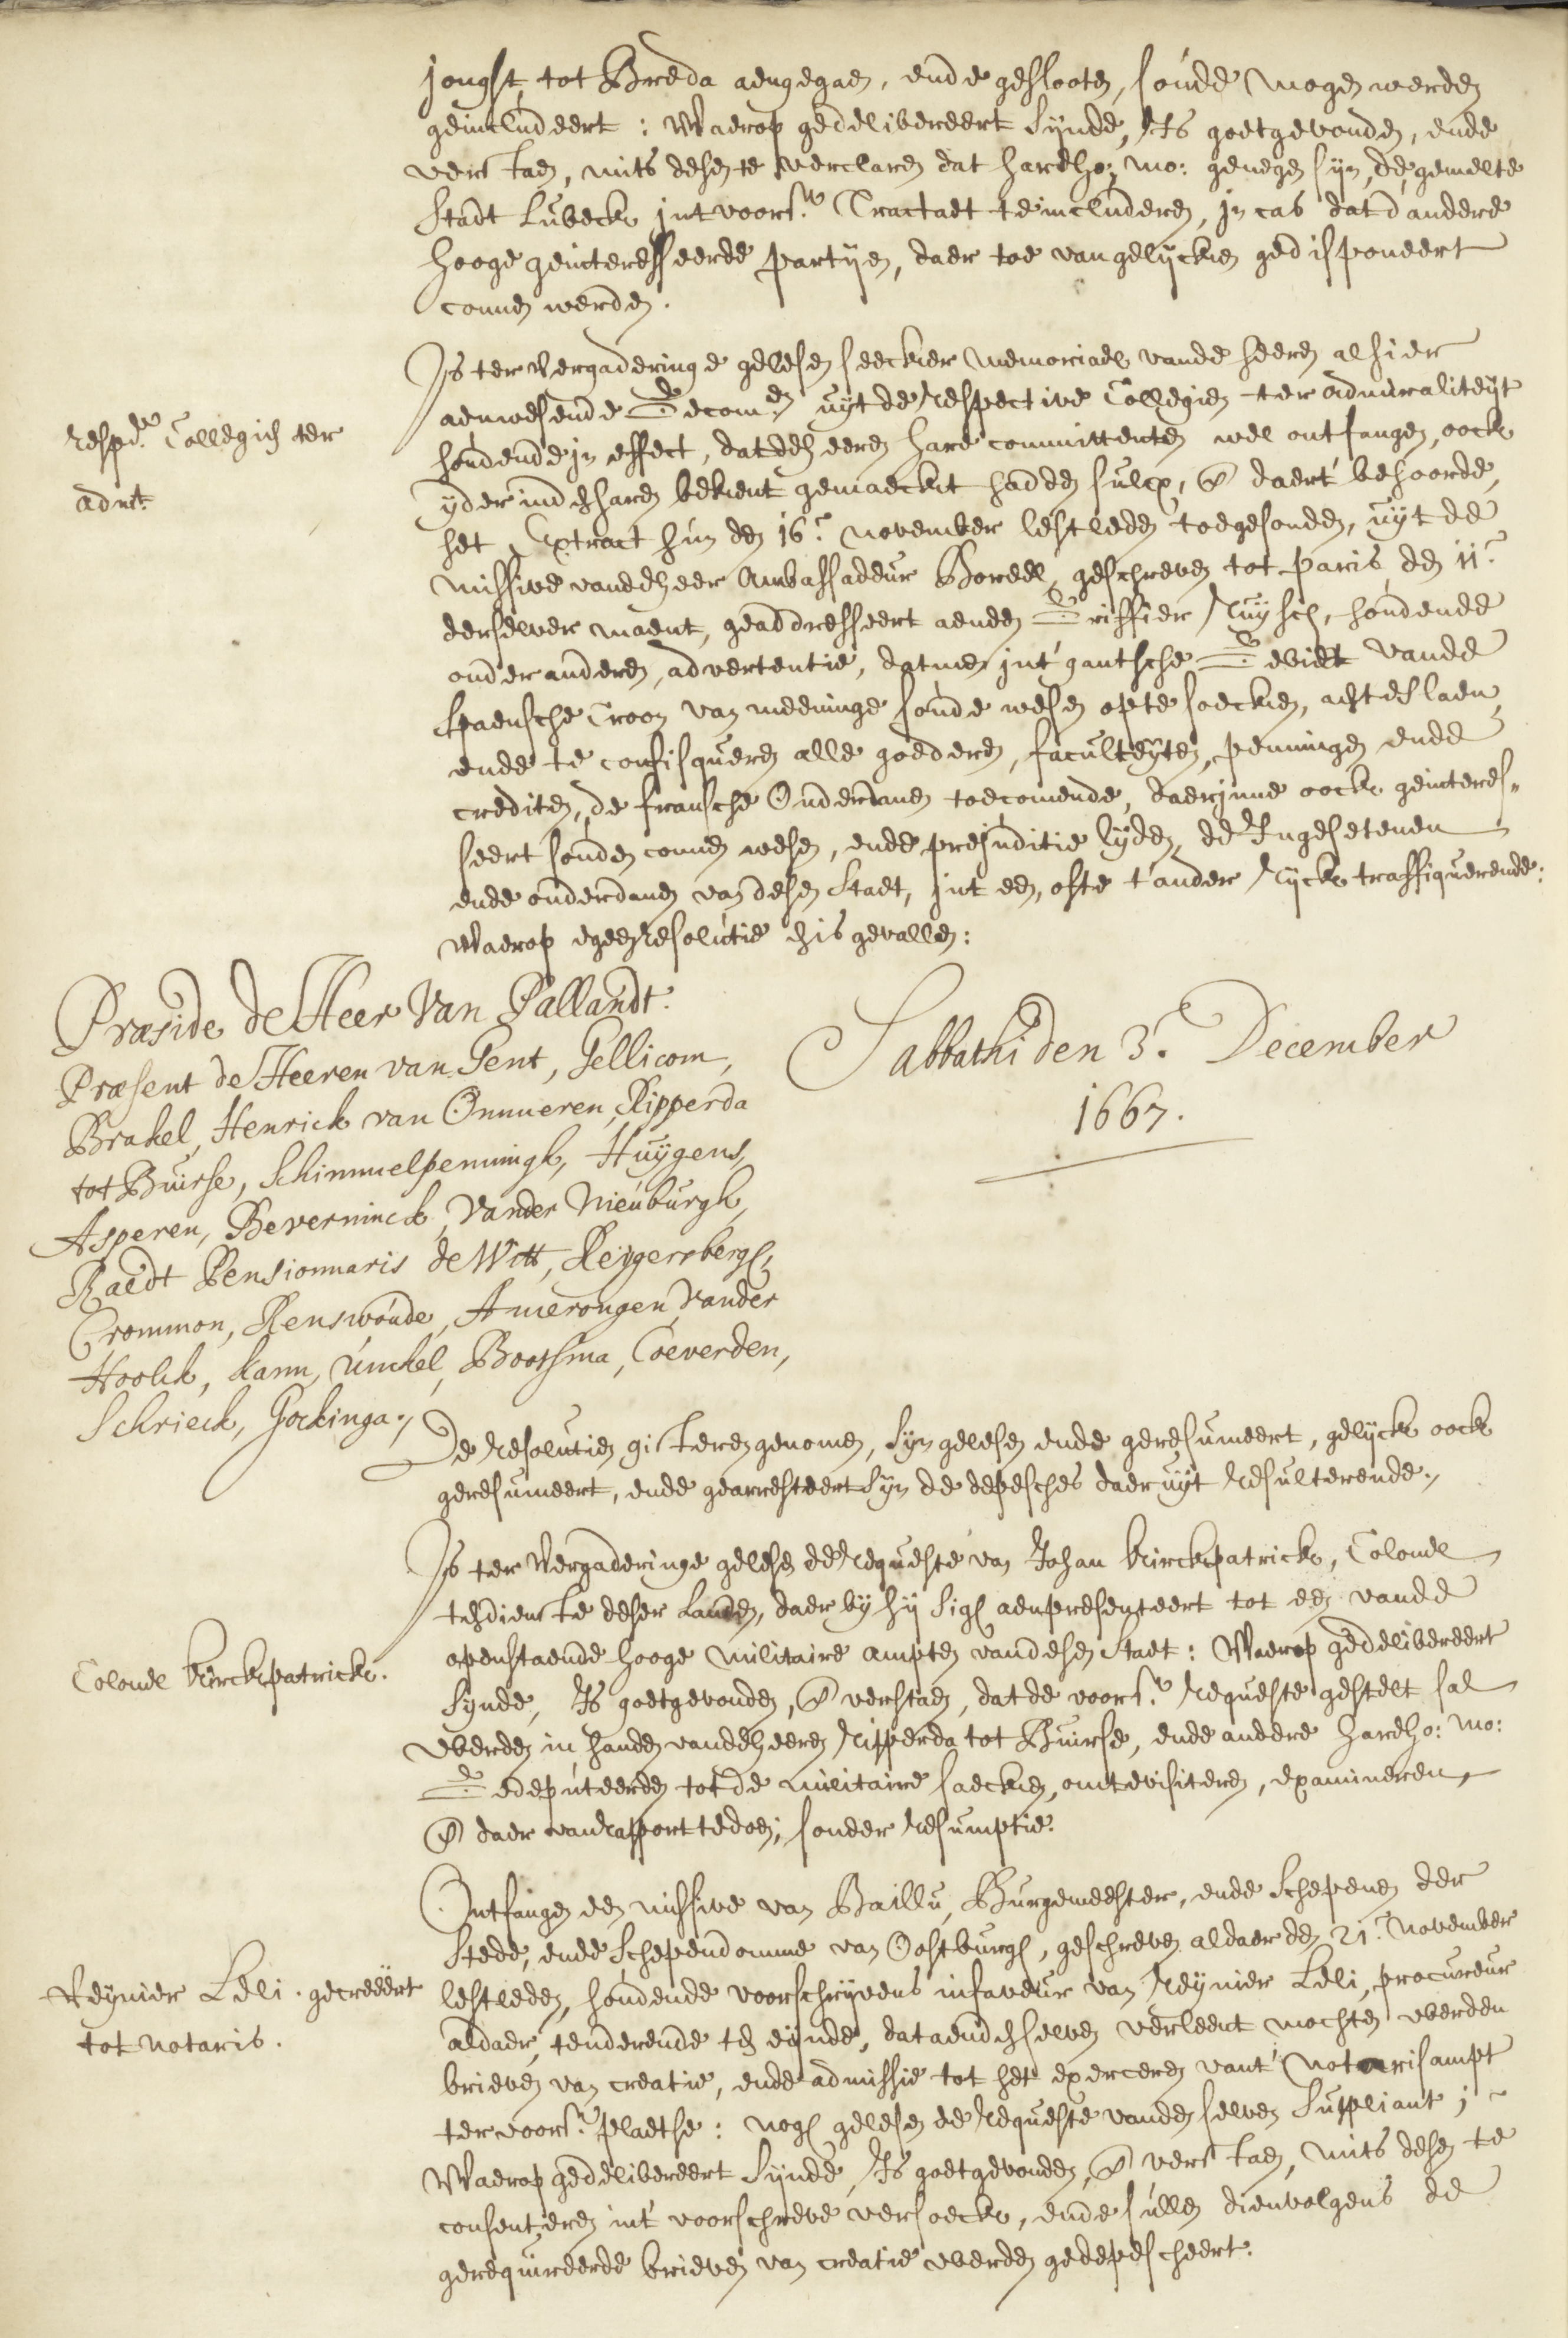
jongst tot Breda aengegaen, ende geslooten, soude mogen werden
geincludeert: Waerop gedelibereert sijnde, Is goetgevonden, ende
verstaen, mits desen te verclaren dat hare ho:mo: genegen sijn, de gemelte
stadt Lubeck int voors. Tractaet te includeren, in cas dat d'andere
hooge geinteresseerde partijen, daer toe van gelijcken gedisponeert
connen werden.
respve. Collegien ter
admt.
Is ter Vergaderinge gelesen seecker memoriael vande heeren alhier
aenwesende Gecomen uijt de respective Collegien ter Admiraliteijt
houdende in effect, dat de heeren hare committenten wel ontfangen, oock
ijder inden haren bekent gemaeckt hadden sulcx, & daert‛ behoorde,
het, Extract hun den 16e. november lestleden toegesonden, uijt de
missive vande heer Ambassadeur Boreel, geschreven tot Paris den iie.
derselver maent, geaddresseert aenden Griffier Ruijsch, houdende
onder anderen, advertentie, datmen int‛ gantsche Gebiet vande
spaensche Croon van meeninge soude wesen opte soecken, aen te slaen,
ende te confisqueren alle goederen, faculteijten, penningen ende
crediten, de fransche Onderdanen toecomende, daerinne oock geinteres„
seert souden connen wesen, ende prejuditie lijden de Ingesetenen
ende onderdanen van desen Staet, int een, ofte t'ander Rijck traffiquerende:
Waerop egeen resolutie en is gevallen:
Sabbathi den 3e. December
1667.
Præaside de Heer van Pallandt.
Præsent de Heeren van Gent, Gellicom,
Brakel, Henrick van Ommeren, Ripperda
tot Buirse, Schimmelpenningh, Huijgens,
Asperen, Beverninck, vander Nieuburgh,
Raedt Pensionnaris de Witt, Reijgersbergh,
Crommon, Renswoude, Amerongen, vander
Hoolck, Kann, Unckel, Bootsma, Coeverden,
Schrieck, Gockinga.
De resolutien gisteren genomen, sijn gelesen ende geresumeert, gelijck oock
geresumeert, ende gearresteert sijn de depesches daer uijt resulterende.
Colonel Kirckpatrick.
Is ter Vergaderinge gelesen de Requeste van Johan Kirckpatrick, Colonel
ten dienste deser Landen, daer bij hij sigh aenpresenteert tot een vande
openstaende hooge militaire ampten van desen staet: Waerop gedelibereert
sijnde, Is goetgevonden, & verstaen, dat de voors. Requeste gestelt sal
werden in handen vande heeren Ripperda tot Buirse, ende andere hare ho:mo:
Gedeputeerden tot de militaire saecken, om te visiteren, examineren,
& daer van rapport te doen; sonder resumptie.
Reijnier Leli, gecreeërt
tot notaris.
Ontfangen een missive van Baillu, Burgemeester, ende schepenen der
stede, ende schependomme van Oostburgh, geschreven aldaer den 21e. november
lestleden, houdende voorschrijvens infaveur van Reijnier Leli, procureur
aldaer, tenderende ten eijnde, dat aen denselven verleent mochten werden
brieven van creatie, ende admissie tot het exerceren vant‛ notarisampt
ter voors. plaetse: nogh gelesen de Requeste vanden selven Suppliant;
Waerop gedelibereert sijnde, Is goetgevonden, & verstaen, mits desen te
consenteren int‛ voorschreve versoeck, ende sullen dienvolgens de
gerequireerde brieven van creatie werden gedepescheert;
